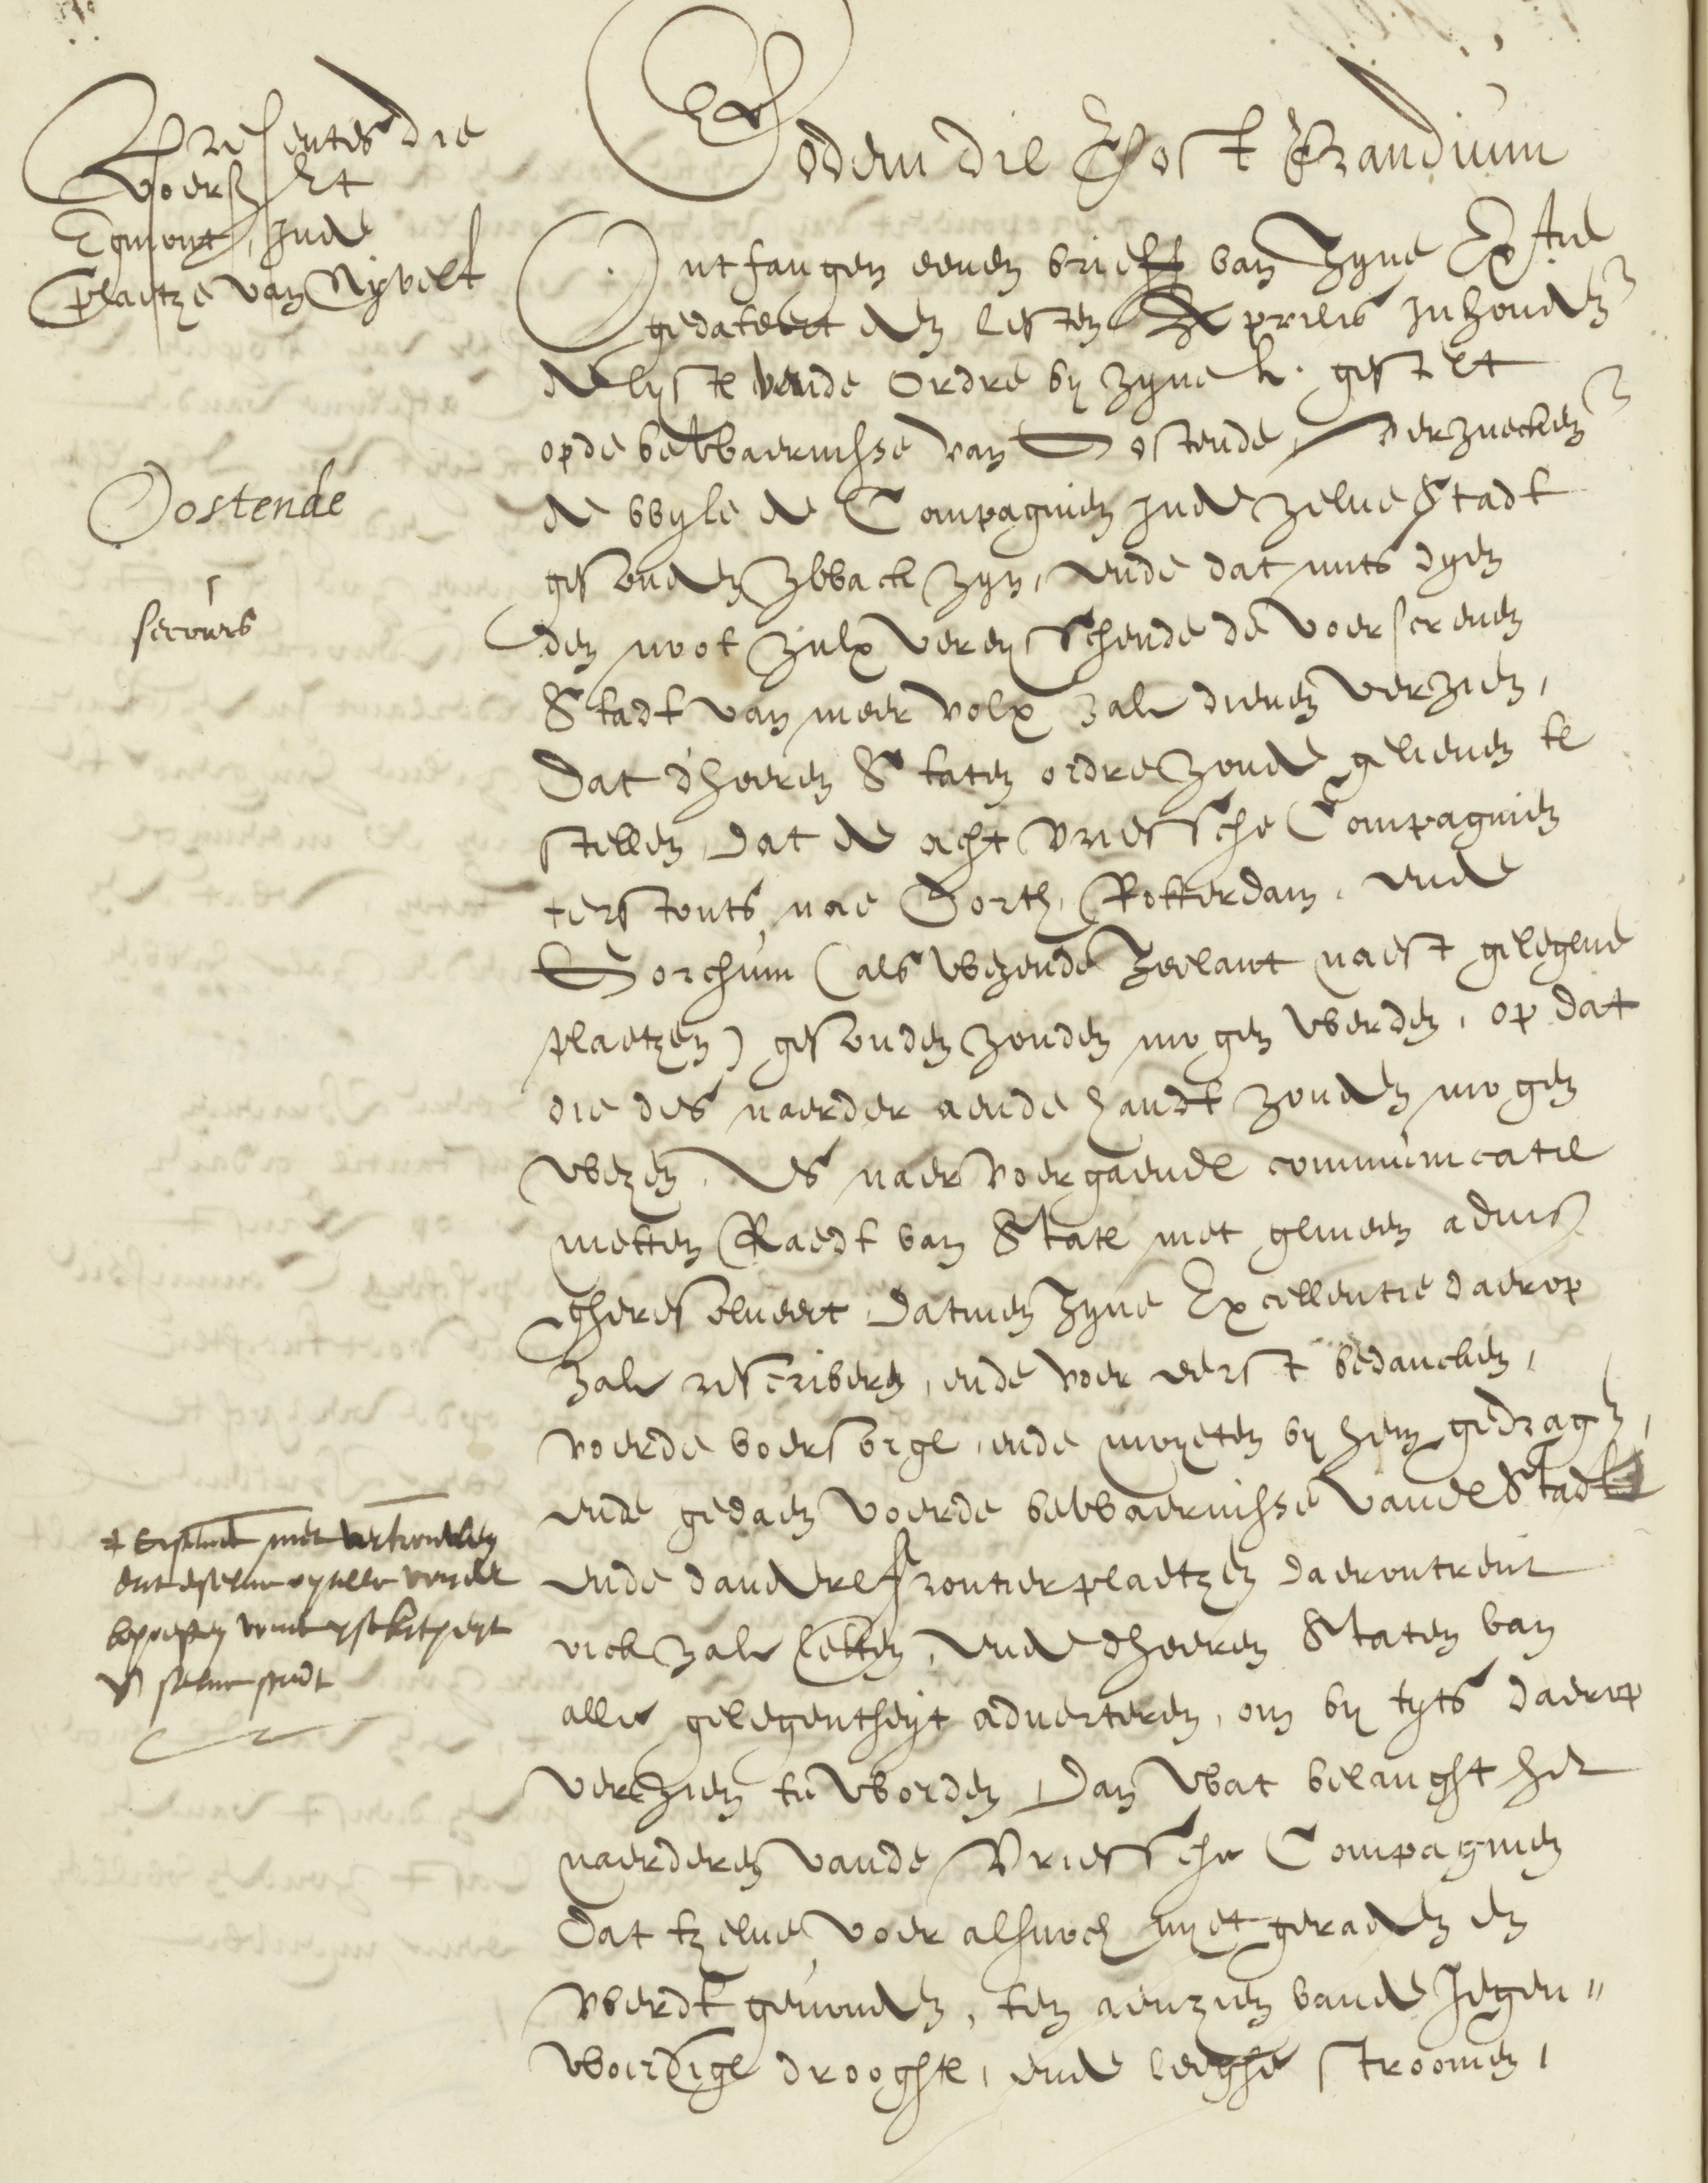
Eodem die Post Prandium
Presentes die
voers et
Egmont, Inde
plaitze van Nijvelt
Oostende
secours
Ontfangen eenen brieff van Zyne Extie.
gedateert den lesten Aprilis inhouden
de lyste vande ordre by zyne L. gestelt
opde bewaernisse van Oostende, verzuecken
de wyle de Compagnien inde zelue Stadt
gesonden zwack zyn, ende dat mits dyen
den noot zulx vereysschende de voerscreuen
Stadt van meer volx zal dienen verzien,
dat d‛heeren Staten ordre zoude gelieuen te
stellen, dat de acht Vriessche Compagnien
terstonts, nae Dorth, Rotterdam, ende
Gorchum (als wezende Zeelant naest gelegene
plaetzen) gesonden zouden mogen werden, op dat
die des naerder aende handt zouden mogen
wezen. Es naer voergaende communicatie
metten Raedt van State met gemeen aduis
gheresolueert, datmen Zyne Excellentie daerop
zal rescriberen, ende voer eerst bedancken,
voerde voersorge, ende moyeten by hem gedragen,
ende gedaen voerde bewaernisse vande stadt#
ende dandere frontierplaetzen daerontrent
oick zal letten, ende dheeren Staten van
alle gelegentheijt aduerteren, om by tyts daerop
verzien te worden, dan wat belanght het
naerderen vande Vriessche Compagnien
dat tzelue voer alsnoch nyet geraden en
werdt geuonden, ten aenzien vande Jegen„
woirdige drooghte, ende leeghe stroomen
# Oistende met vertrouwen
dat deselue op alle voirdere
behoeften voer de versekertheyt
de seluer stadt
